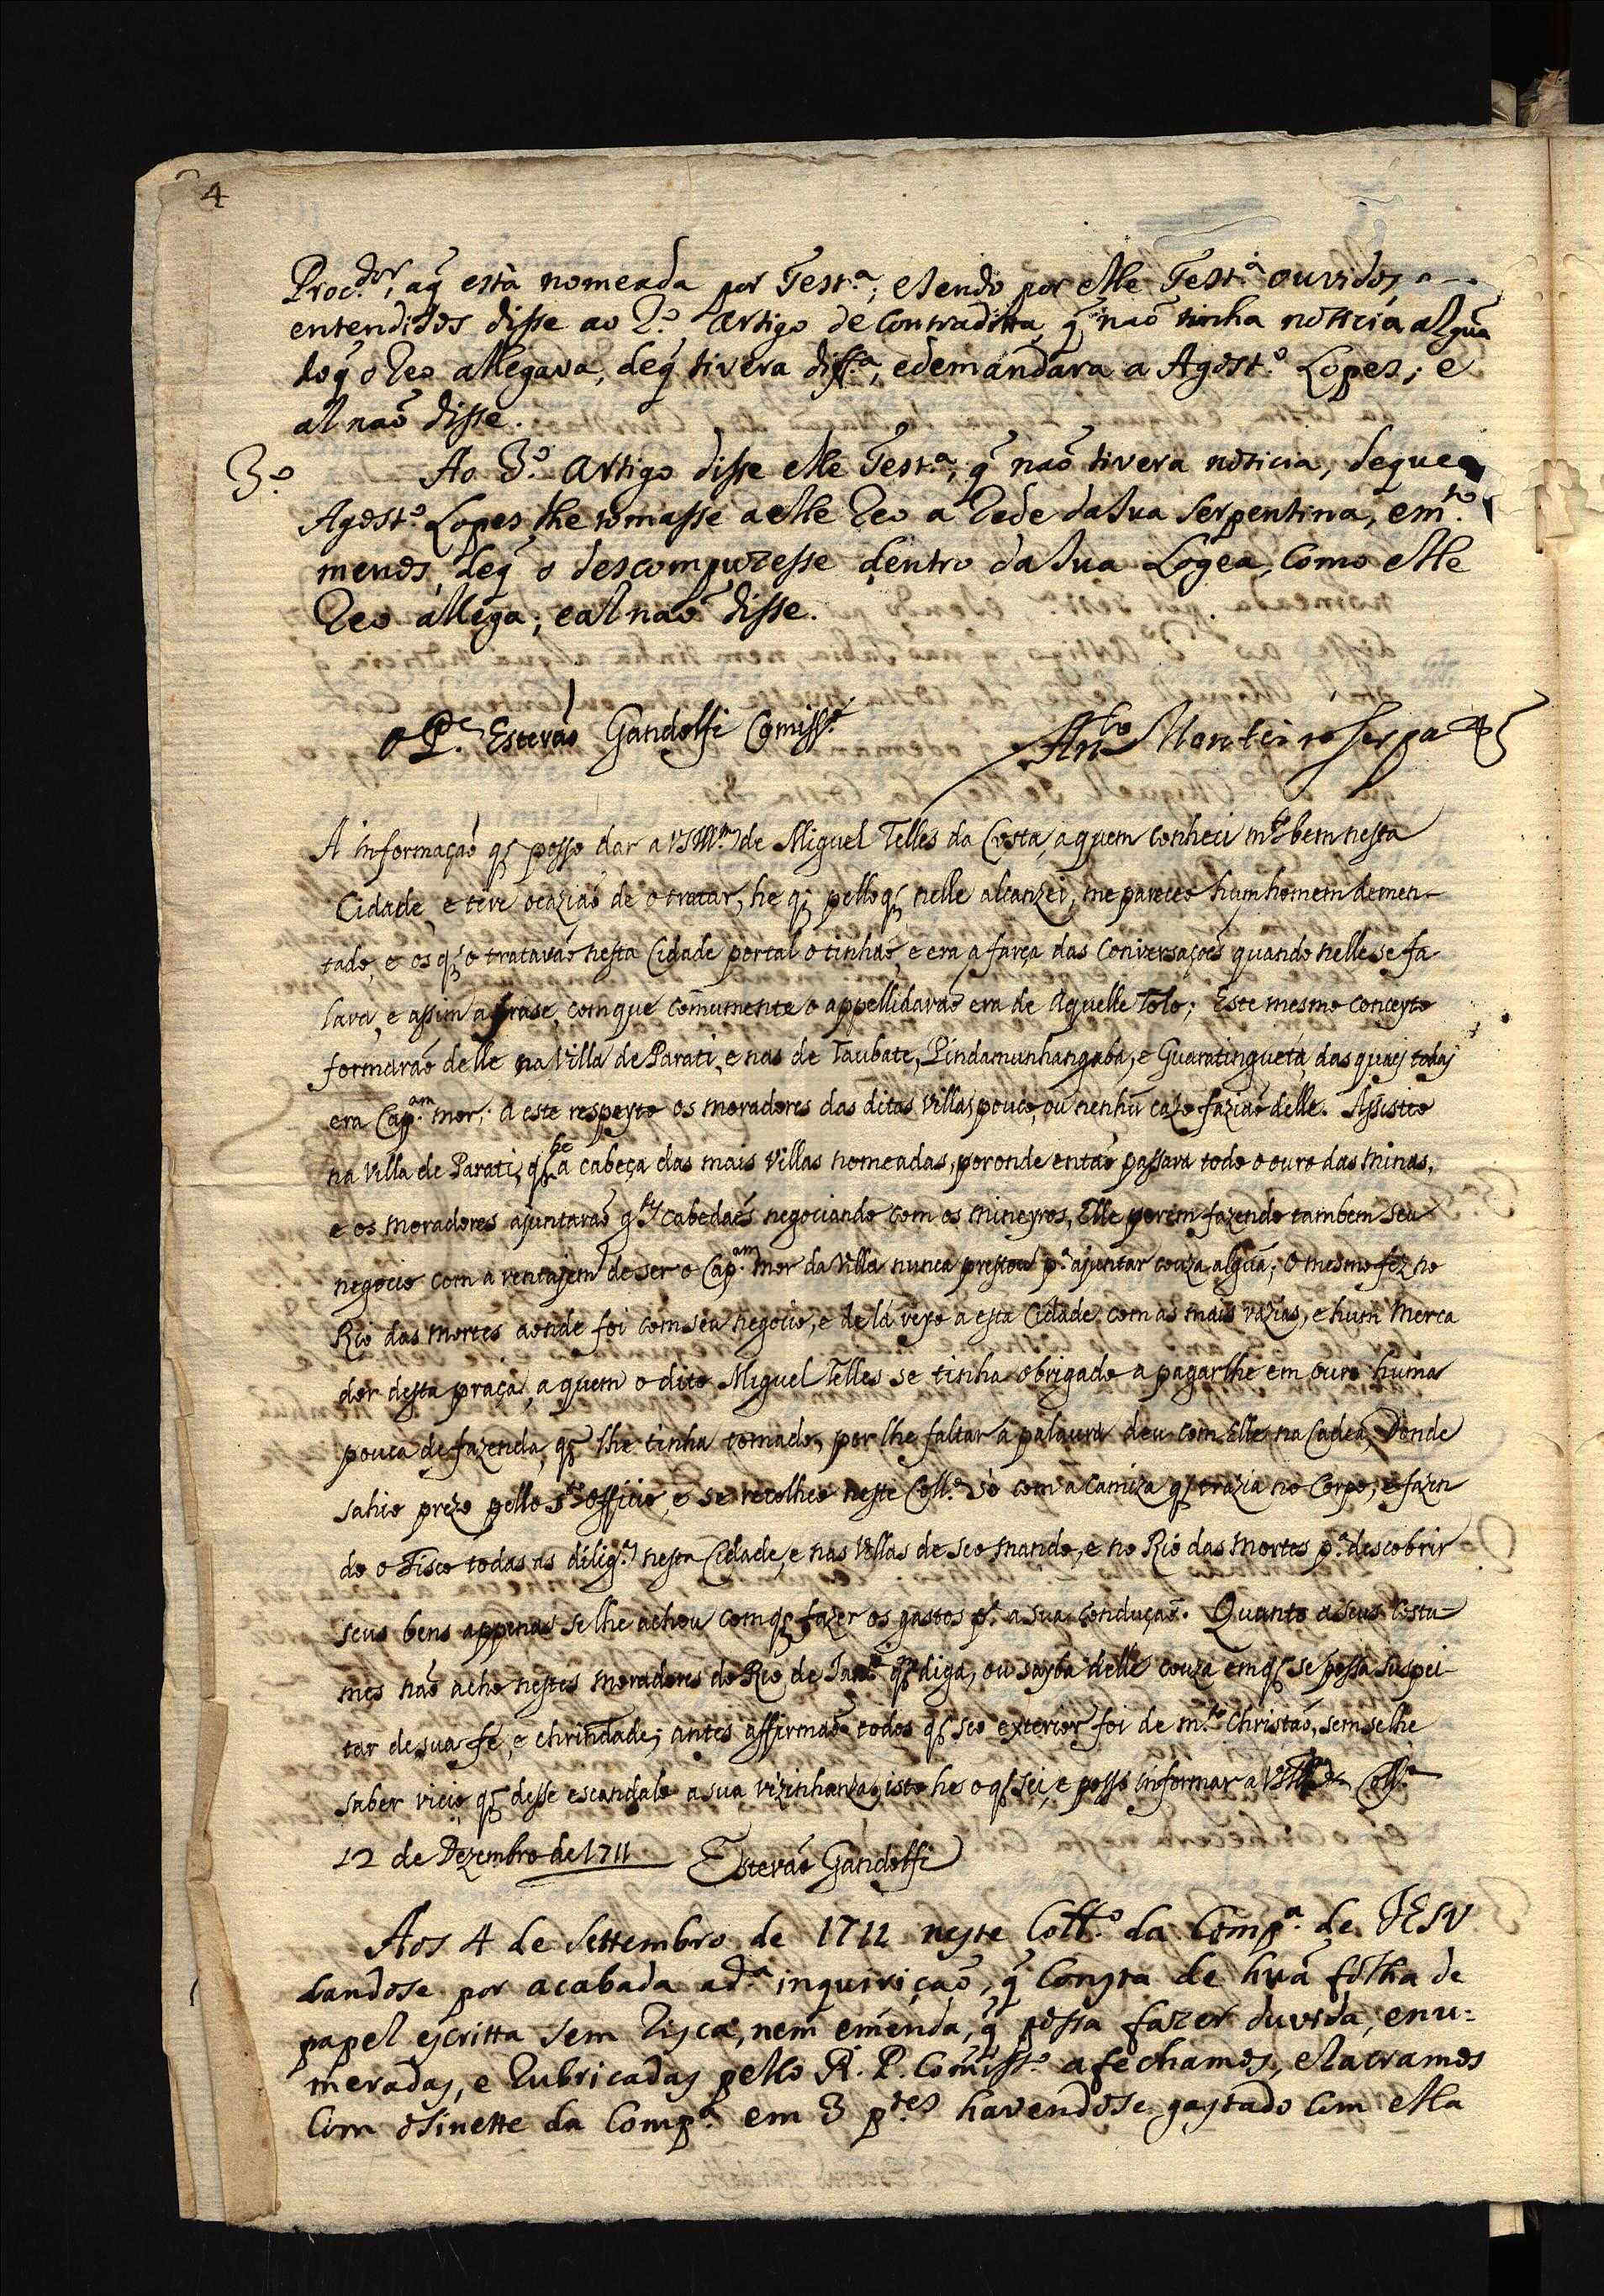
Proc.dor, a q̄ está nomeada por Test.a; e sendo por elle Test.a ouvidos
entendidos disse ao 2.o artigo de contraditta, q̄ naõ tinha noticia alguā
do q̄ o Reo allegava, de q̄ tivera diff.a, e demandara a Agost.o Lopes; e
al naõ disse.
3.o Ao 3.o artigo disse elle Test.a, q̄ naõ tivera noticia, de que
Agost.o Lopes, lhe tomasse a elle Reo a Rede da Sua serpentina, e m.to
menos, de q̄ o descompuzesse dentro da sua Logea, como elle
Reo allega; e al naõ disse.
o P.e Estevão Gandolfi Comiss.o
An.to Monteiro serpa
A informaçaõ q̄ posso dar a VSIll.as de Miguel Telles da Costa, a quem conheci mto bem nesta
Cidade, e tive ocaziaõ de o tratar, he q pello q̄ nelle alcanzei, me pareceo hum homem demen
tado, e os q̄ o tratarão nesta Cidade por tal o tinhaõ, e era a farça das conversaçoẽs quando nelle se fa
lava, e assim a frase, com que com̄umente o appelledaraõ era de aquelle tolo; Este mesmo conceyto
formaraõ delle na Villa de Parati, e nas de Taubate, Pindamunhangaba, e Guaratingueta, das quais todas
era Cap.am mor; a este respeyto os moradores das ditas Villas pouco ou nenhū caso faziaõ delle. Assistio
na Villa de Parati, q̄ he a cabeça das mais Villas nomeadas, por onde entaõ passava todo o ouro das minas,
e os moradores ajuntaraõ gdes cabedaẽs negociando com os mineyros, Elle porem fazendo tambem seu
negocio com a ventajem ser o Cap.am mor da Villa nunca prestou p.a ajuntar cousa alguā; o mesmo fez no
Rio das Mortes aonde foi com seu negocio, e de lá veyo a esta Cidade, com as mais vazias, e hum merca
dor desta praça, a quem o dito Miguel Telles se tinha obrigado a pagarlhe em ouro huma
pouca de fazenda, q̄ lhe tinha tomado, por lhe faltar a palaura deu com Elle na Cadea, Donde
sahio prezo pello sto officio, e se recolheo neste Coll.o só com a camisa q̄ trazia no corpo, e fazen
do o Fisco todas as dilig.as nesta Cidade, e nas Villas de seo mando, e no Rio das Mortes p.a descobrir
seus bens appenas se lhe achou com q̄ fazer os gastos pa a sua conduçaõ. Quanto a seus costu
mes naõ acho nestes moradores do Rio de In_.a q̄m diga, ou sayba delle cousa em q̄ se possa suspei
tar de sua fé, e christ̄dade; antes affirmaõ todos q̄ o seo exterior foi de m.to christão, sem se lhe
saber vicio q̄ desse escandalo a sua vizinhanza; isto he o q̄ sei, e posso informar VSIll.a Coll.o
12 de Dezembro de 1711 Estevaõ Gandolfi
Aos 4 de Settembro de 1711. neste Cott.o da Comp.a de IESV
dandose por acabada a d.a inquiriçaõ, q̄ Consta de huā folha de
papel escritta sem Risca, nem em̄enda, q̄ possa fazer duvida; enu
meradas, e Rubricadas pello R. P. Com̄iss.o a fechamos, e lacramos
com o sinette da Comp.a em 3 p.tes havendose gastado com ella
